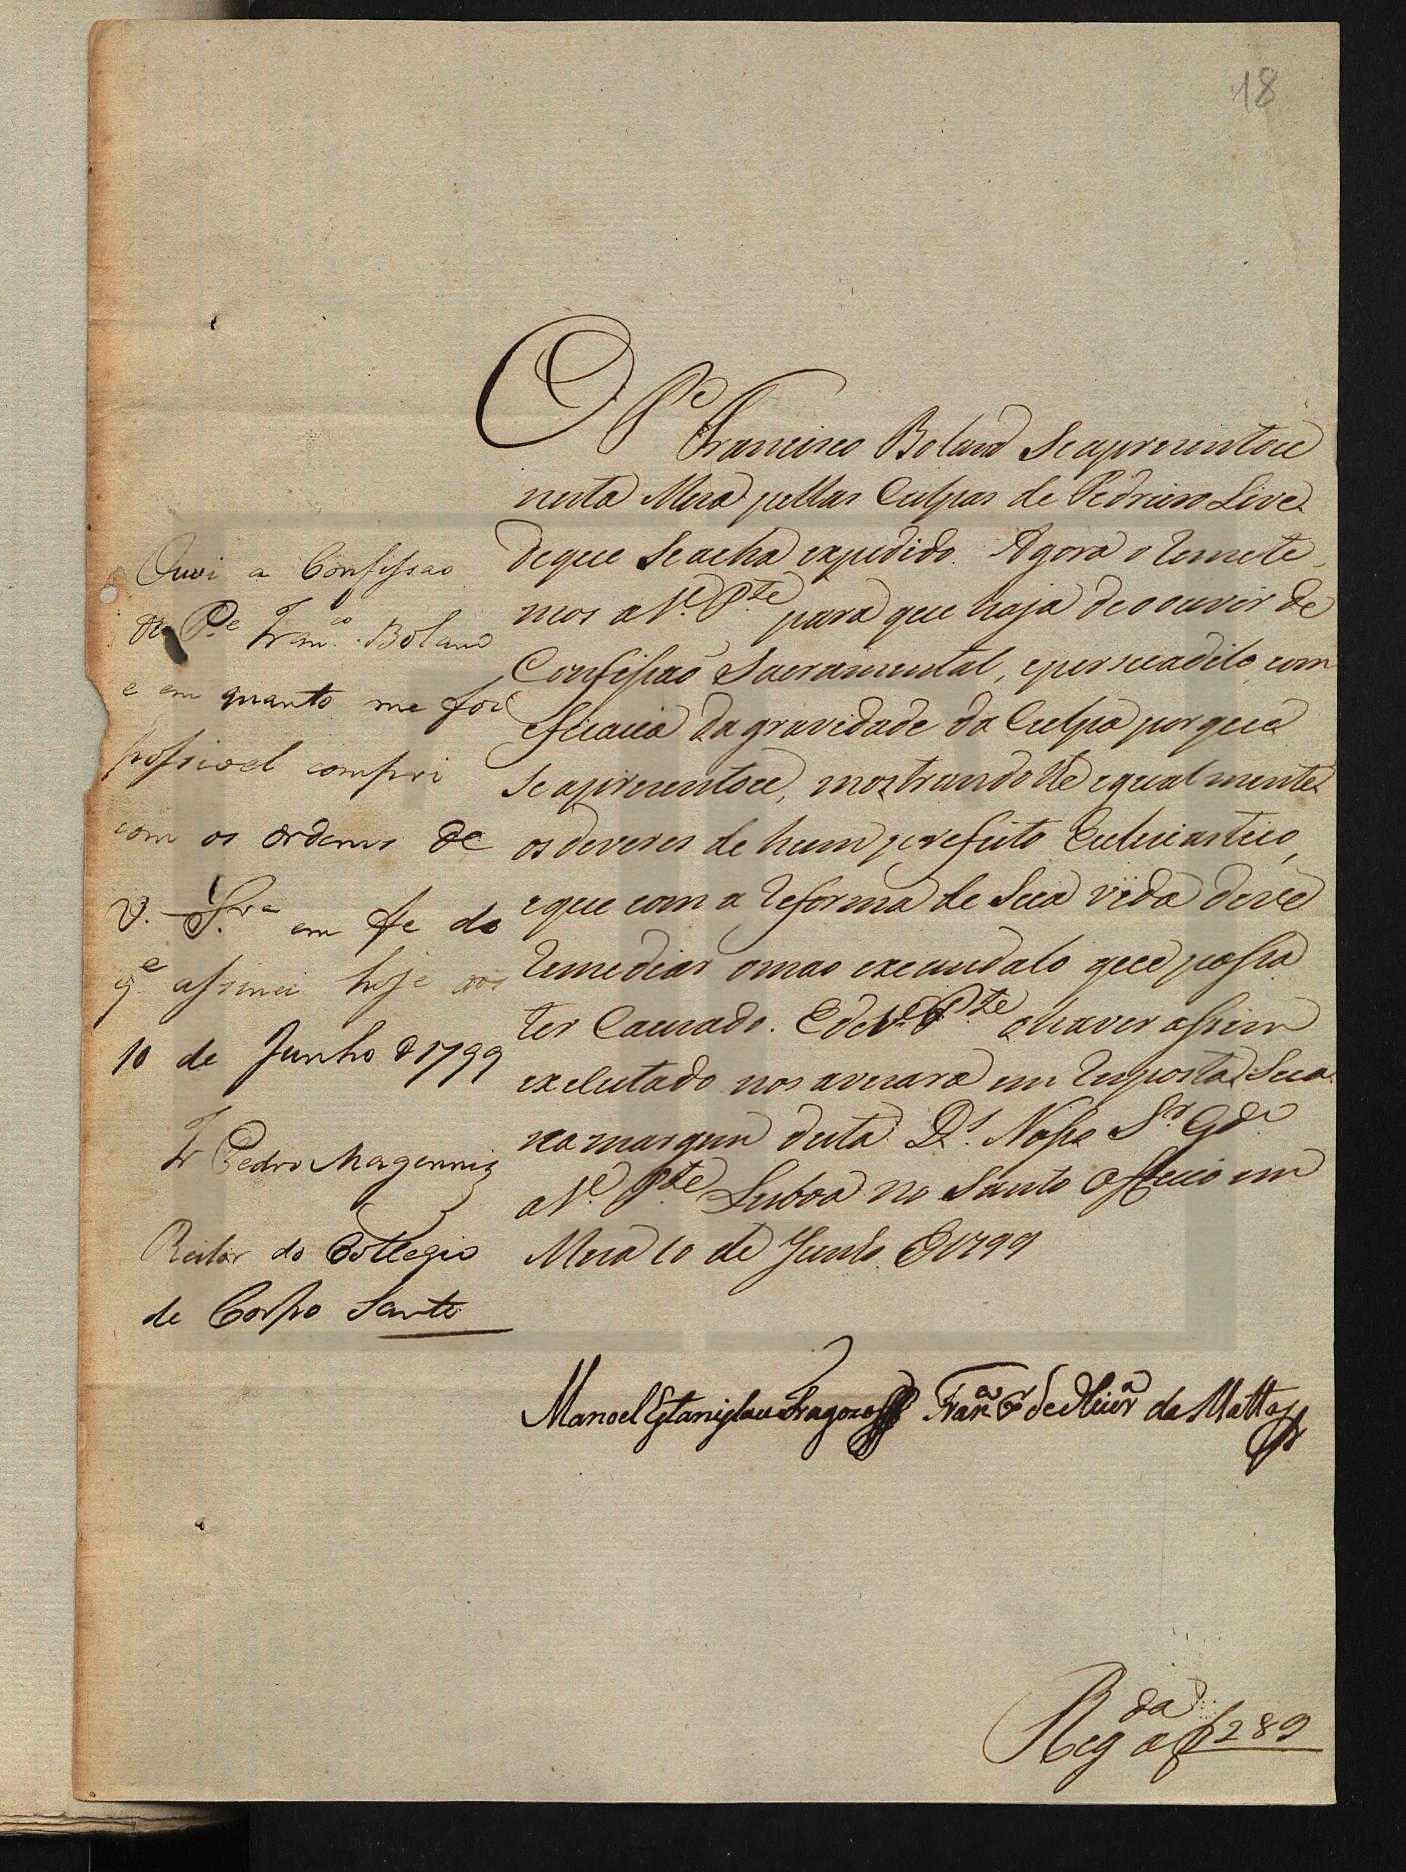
Ouvi a Confissao
do P.e Fran.co Boland
e emquanto me for
possivel compri
com os ordems de
V. S.ra em fe do
qe assinei hoje aos
10 de Junho d 1799
Ir Pedro Magennis
Reitor do Collegio
de Corpo Santo
O Pe Francisco Boland se aprezentou
nesta Meza pellas Culpas de Pedreiro Live
de que se acha expedido. Agora o Remete
mos a V. P.te para que haja de o ouvir de
Confissaõ Sacramental, e persuadilo com
eficacia da gravidade da Culpa porque
se aprezentou, mostrandolhe igualmente
os deveres de hum prefeito Ecclesiastico,
e que com a Reforma de sua vida deve
Remediar o mao execuudalo que possa
ter cauzado; E de V. P.te o haver assim
executado nos avizara em Resposta sua
a margem desta D.s Nosso S.r G.de
a V. P.te Lisboa no Santo officio em
Meza 10 de Junho d̄ 1799
Manoel Estanislau Fragozo Fran.co X.r de Oliv.a da Matta
